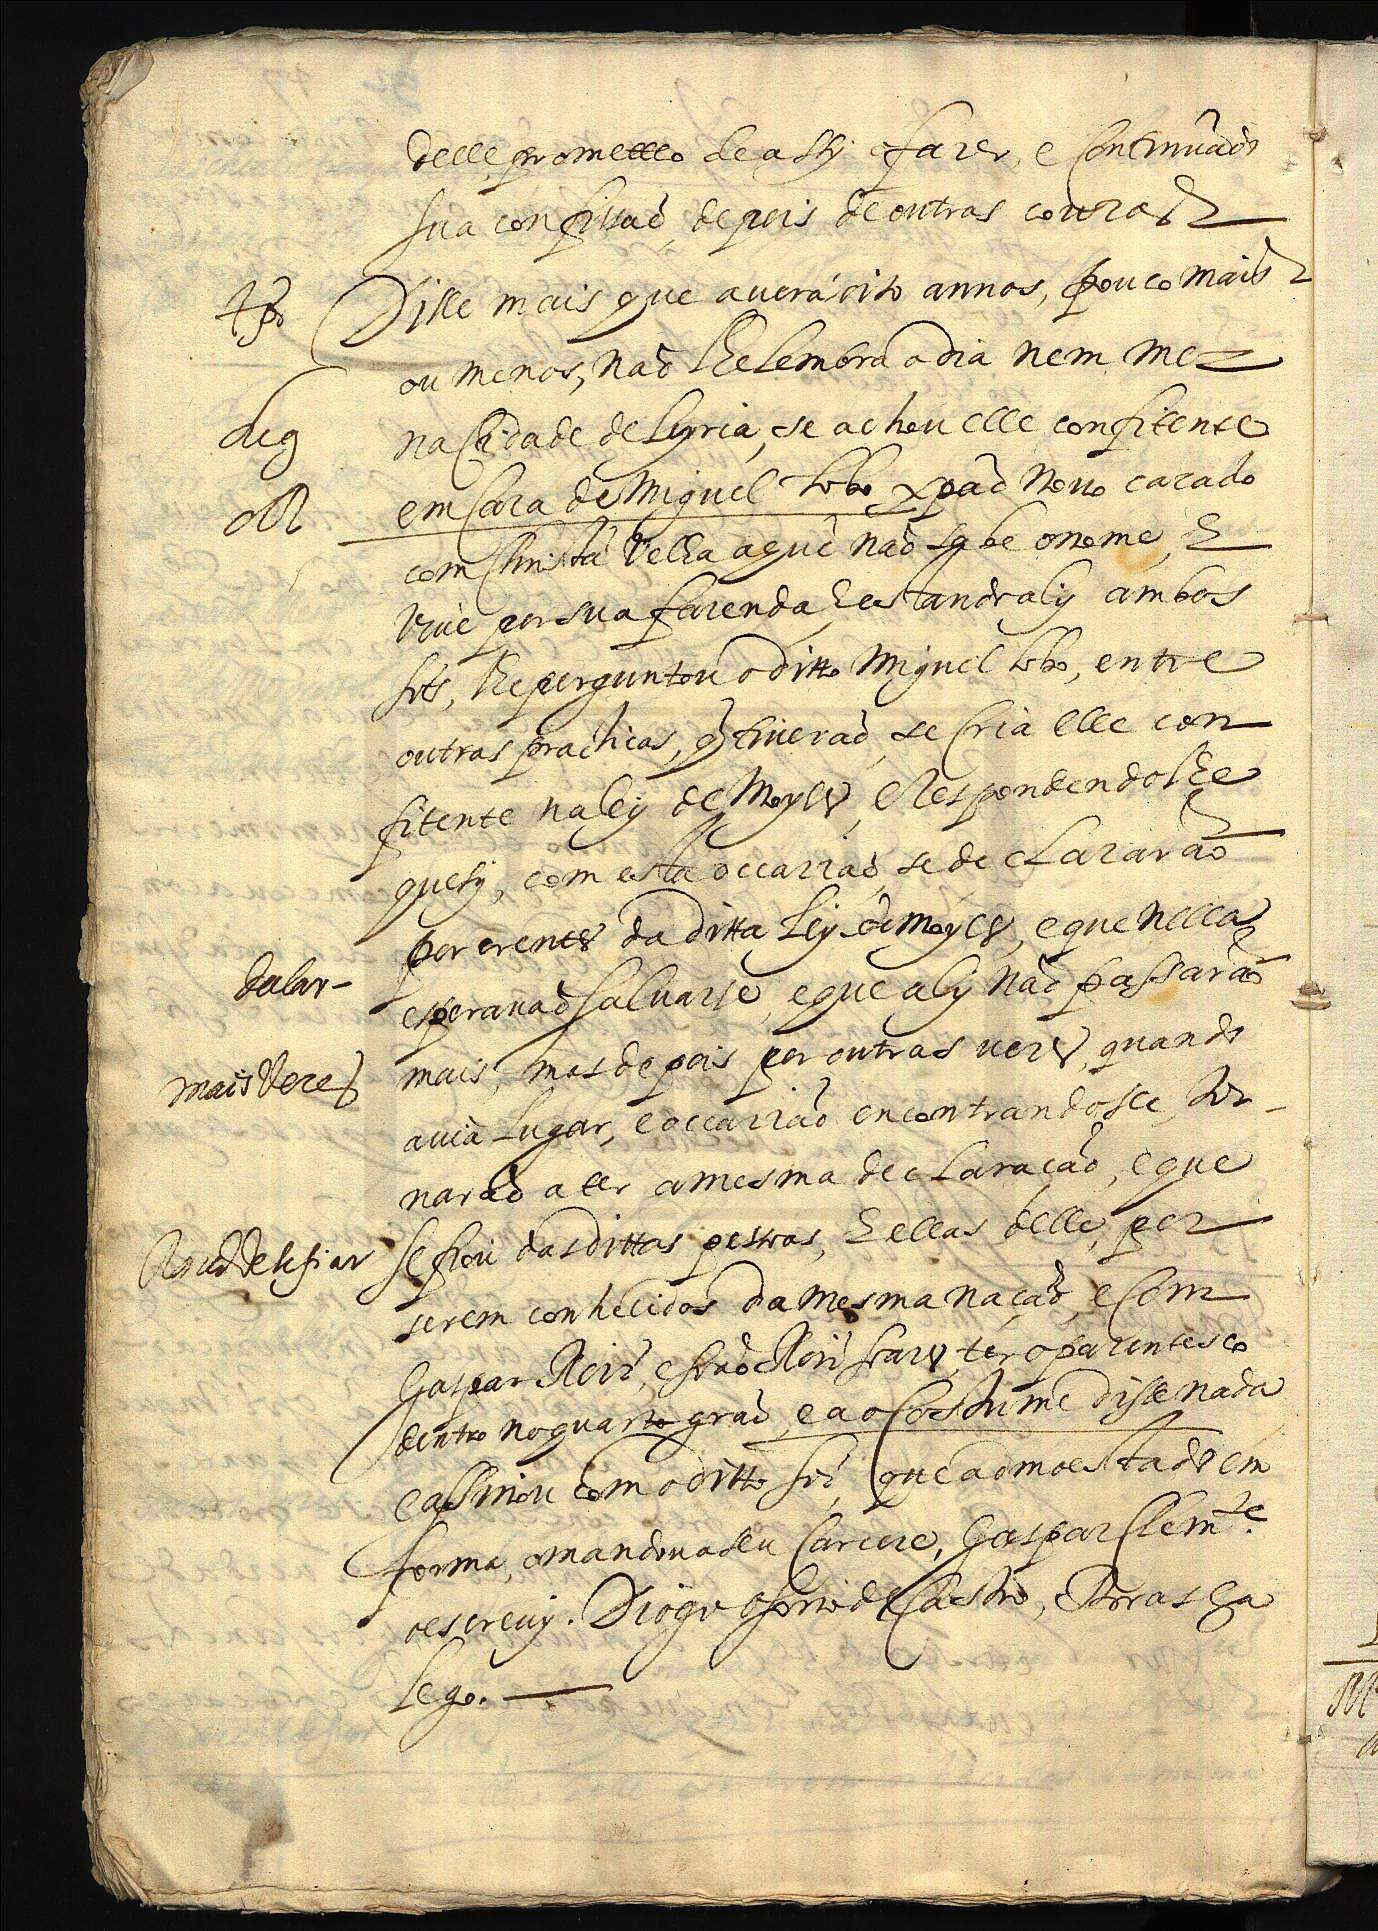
delle prometteo de assy o fazer e Continuādo
sua confissaõ, depois de outras couzas E
Disse mais que auerá oito annos, pouco mais
ou menos, naõ lhe lembra o dia nem mez
na Cidade de Leyria, se achou elle confitente
em Caza de Miguel lobo xpaõ nouo cazado
com Christã velha a quē naõ sabe o nome, E
viue per sua fazenda, E estando aly ambos
sos, lhe perguntou o ditto miguel lobo, entre
outras practicas, q̄ tiueraõ, se Cria elle con
fitente na ley de Moyses, e respondendo lhe
que sy, com esta occaziaõ, se declararão
per crentes da ditta Ley de moyses, e que nella
esperauaõ saluarse, e que aly não passaraõ
mais, mas depois per outras uezes, quando
auia Lugar, e occaziaõ encontrandosse, tor
naraõ a ter a mesma declaraçaõ, e que
se fiou das dittas pessoas, E ellas delle, por
serem conhecidas da mesma naçaõ, e Com
Gaspar Roiz̄, e joão Roiz̄ soares, ter o parentesco
dentro no quarto grao, e ao Costume disse nada
e assinou com o ditto sor̄, que admoestado em
forma, o mandou a seu Carcere, Gaspar Clemte.
o escreuy. Diogo osorio de Castro, Bras Ga
Lego.
tp̄o
Lug
o R
declar
mais Vezes
Razão de se fiar
